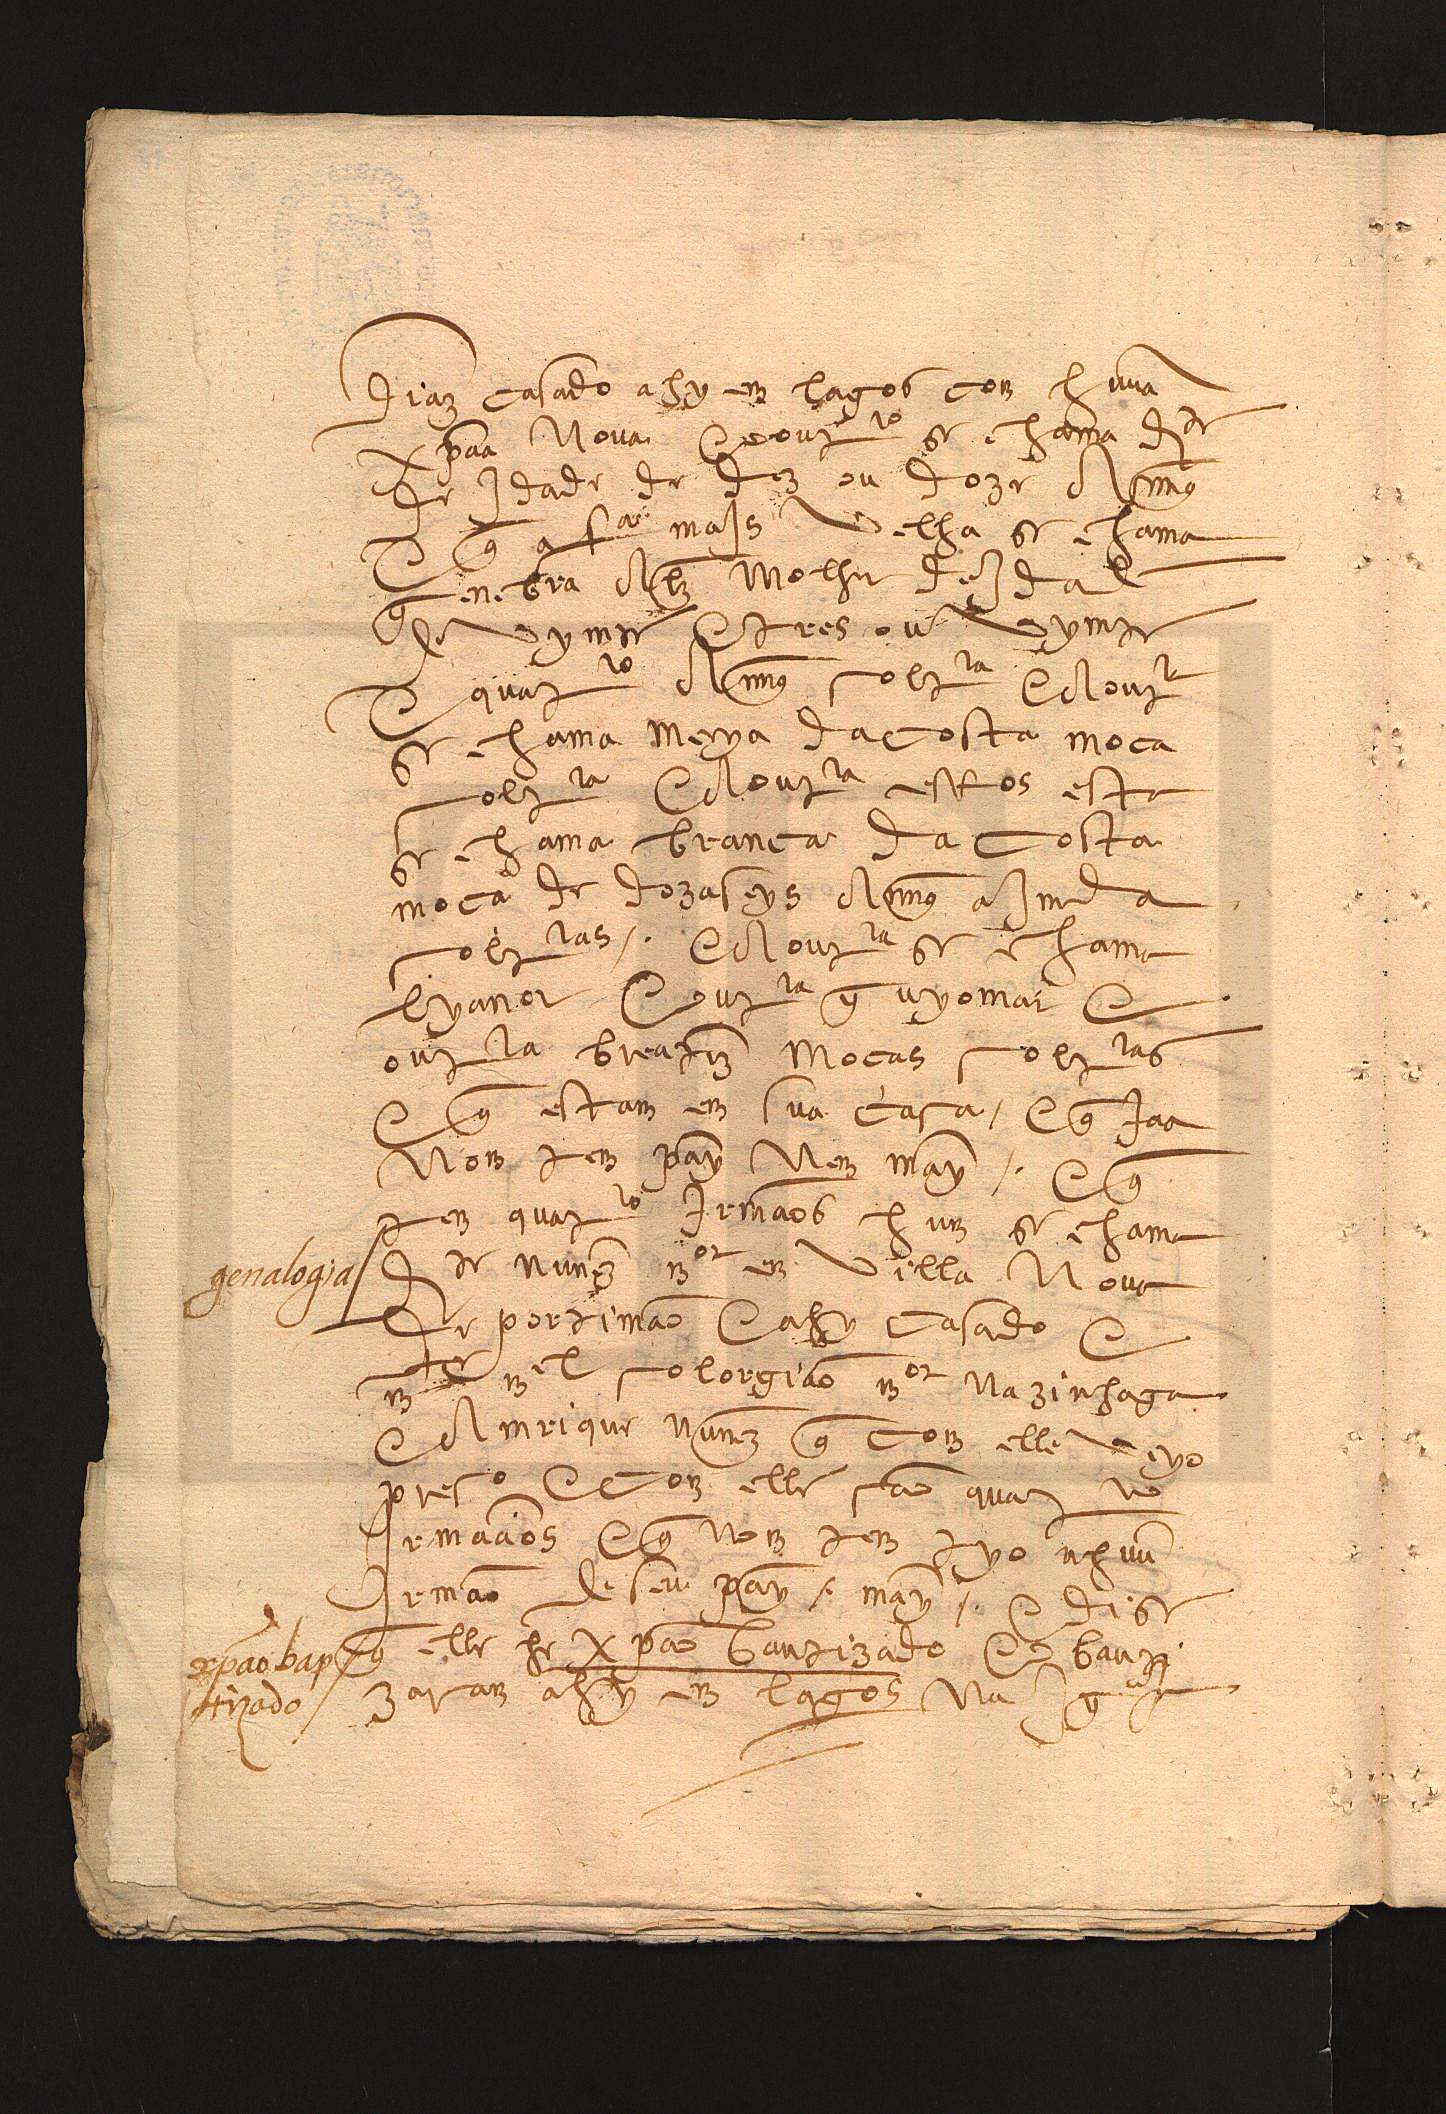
d̄iaz casado asy em lagos com hūua
Xpāa Noua e o outro se chama drte
de Jdade de dez ou doze An̄nꝯ
e q̄ a fa majs velha se chama
genebra Al̄z molher de Jdade
de vymte e tres ou vymte
e quatro An̄nꝯ soltra e A outra
se chama Merya da costa moça
soltra e A outra estos esta
se chama branca da Costa
moça de dozaseys An̄nꝯ aJmda
soltras /. e A outra se chama
lyanor e outra guyomar e
outra breat̄iz moças soltras
e q̄ estam em sua casa / e q̄ Jaa
Nom tem pāy Nem māy /. e q̄
tem quatro Jrmãos hum se chama
drte nunēz mor em villa Noua
genalogia
de portimão e ahy casado e
mte mel solorgião mor nazinhaga
e Amrique Nūnez q̄ com elle veyo
preso e com elle são quatro
Jrmaãos e q̄ nom tem tyo nhuū
Jrmão de seu pay e māy /. e dise
xpão bap
q̄ elle he Xpão bautizado e o bautj
tizado
zaram ahy em lagos na JḡaJa
